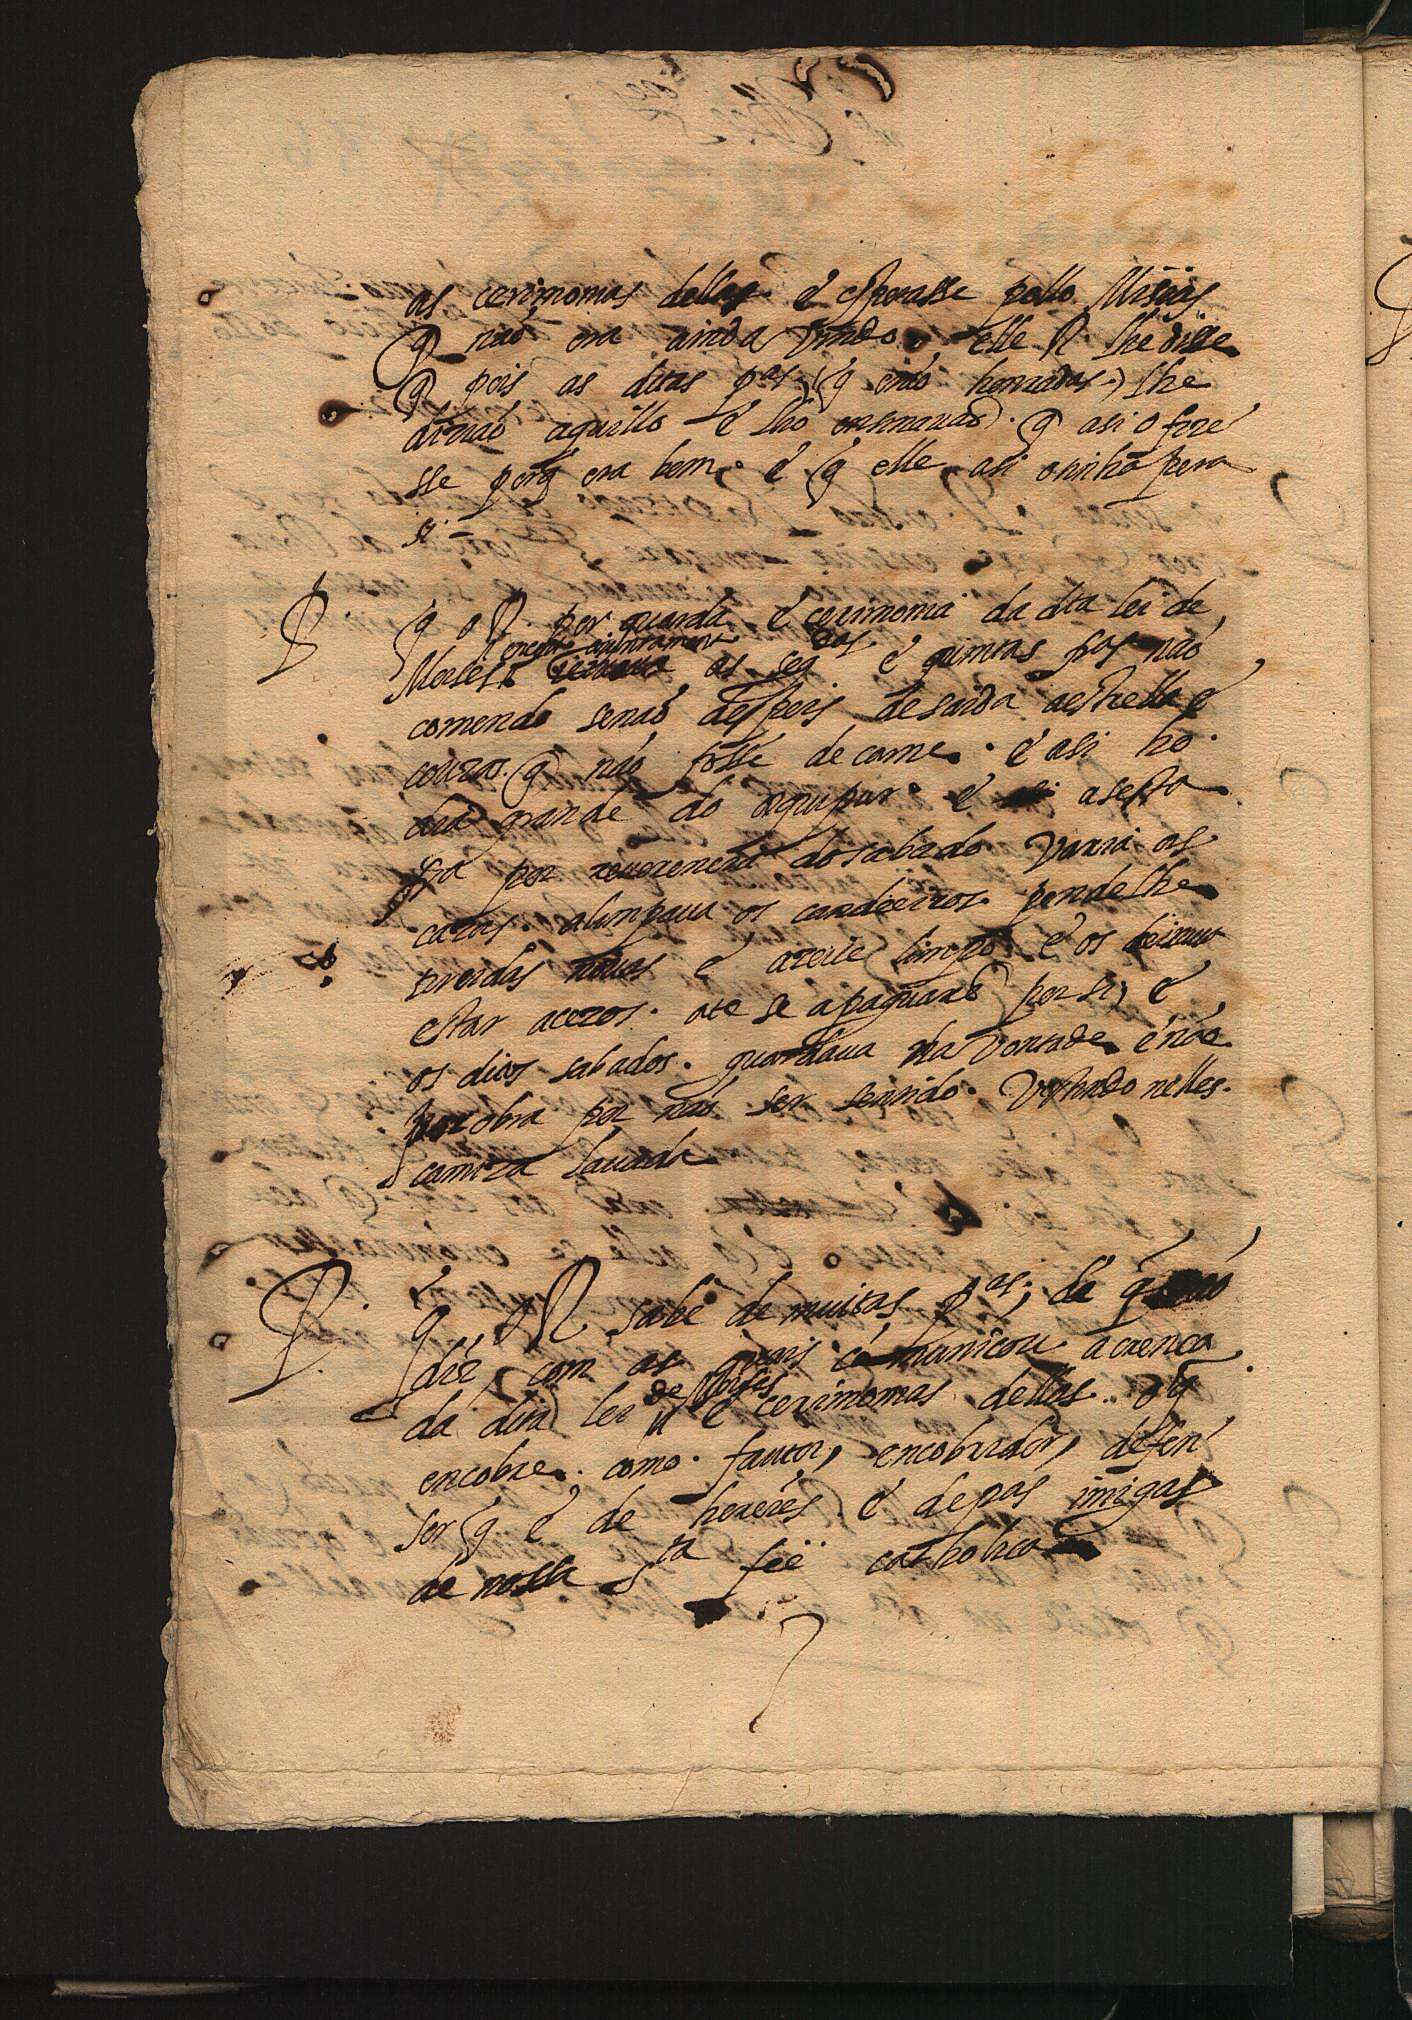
as cerimonias dellas e esperasse pollo Misias
q̄ naõ era ainda vindo elle R lhe disse
q̄ pois as ditas pas q̄ eraõ honradas, lhe
diziaõ aquillo e lho ensinauaõ q̄ asi o fize
sse porq̄ era bom e q̄ elle asi o tinha pera
si
P q̄ o R per guarda e cerimonia da dta lei de
Moises
en certo aiuntamento
ieiuaua as segdas e quimtas fras naõ
comendo senaõ despois de saida a estrella e
couzas q̄ naõ fossē de carne e asi ho
dia grande do _quipur e _ a sesta
fra por reuerencia do sabado varia as
cazas alimpaua os candeeiros pondolhe
torcidas nouas e azeite limpo e os deixaua
estar acezos ate se apaguarē por si; e
os ditos sabados guardaua na vontade e naõ
por obra por naõ ser sentido vestindo nelles
camiza lauada.
P q̄ o R sabe de muitas pas; de q̄ naõ
diz, com as quais cōmunicou a crença
da dita lei de Moises e cerimonias dellas o q̄
encobre como fautor, encobridor, defen
sor q̄ e de hereies e de pas imigas
de nossa sta fee catholica
